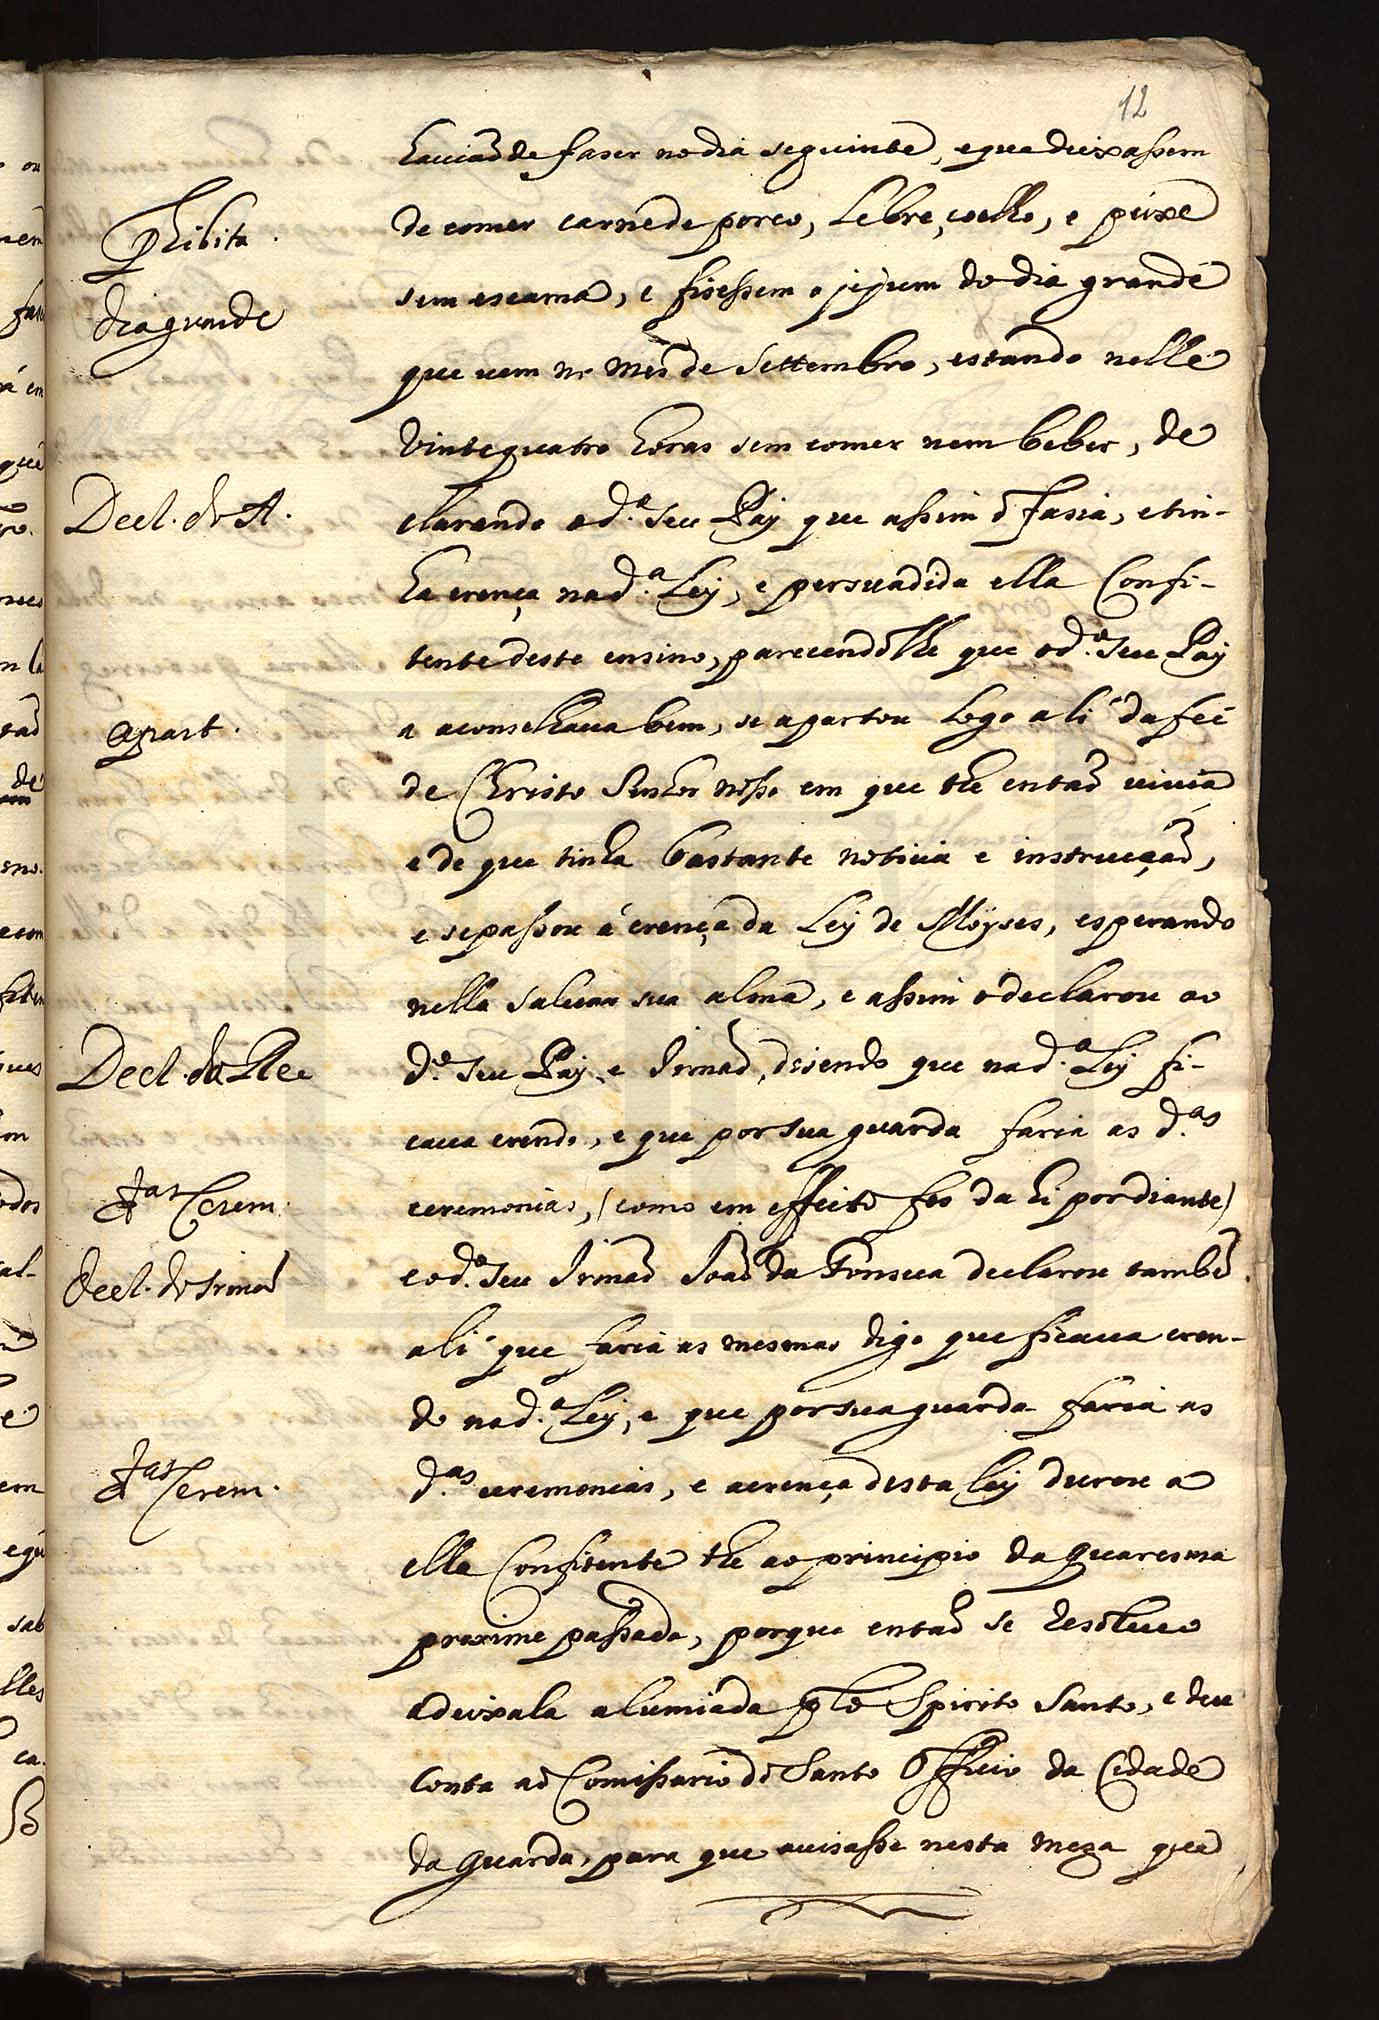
hauiaõ de faser no dia seguinte, e que deixassem
de comer carne de porco, Lebre, coelho, e peixe
sem escama, e fisessem o jejum do dia grande
que uem no mes de Settembro, estando nelle
vinte quatro horas sem comer nem beber, de
clarando o d.o seu Pay que assim o fasia, e tin
ha crença na d.a Ley, e persuadida ella Confi
tente deste ensino, parecendolhe que o d.o seu Pay
a aconselhaua bem, se apartou logo ali da feé
de Christo Senhor nosso em que the entaõ uiuia,
e de que tinha bastante noticia e instrucçaõ,
e se passou á crença da Ley de Moyses, esperando
nella saluar sua alma, e assim o declarou ao
d.o seu Pay, e Irmaõ, disendo que na d.a Ley fi
caua crendo, e que por sua guarda faria as d.as
ceremonias, (como em effeito fes dahi por diante)
e o d.o seu Irmaõ Joaõ da Fonseca declarou tambē
ali que faria as mesmas digo que ficaua cren
do na d.a Ley, e que por sua guarda faria as
d.as ceremonias, e a crença desta ley durou a
ella Confitente the ao principio da Quaresma
proxime passada, porque entaõ se Resolueo
a deixala alumiada p̄lo Spirito Santo, e deu
conta ao Comissario do Santo Officio da Cidade
da Guarda, para que auisasse nesta meza que
